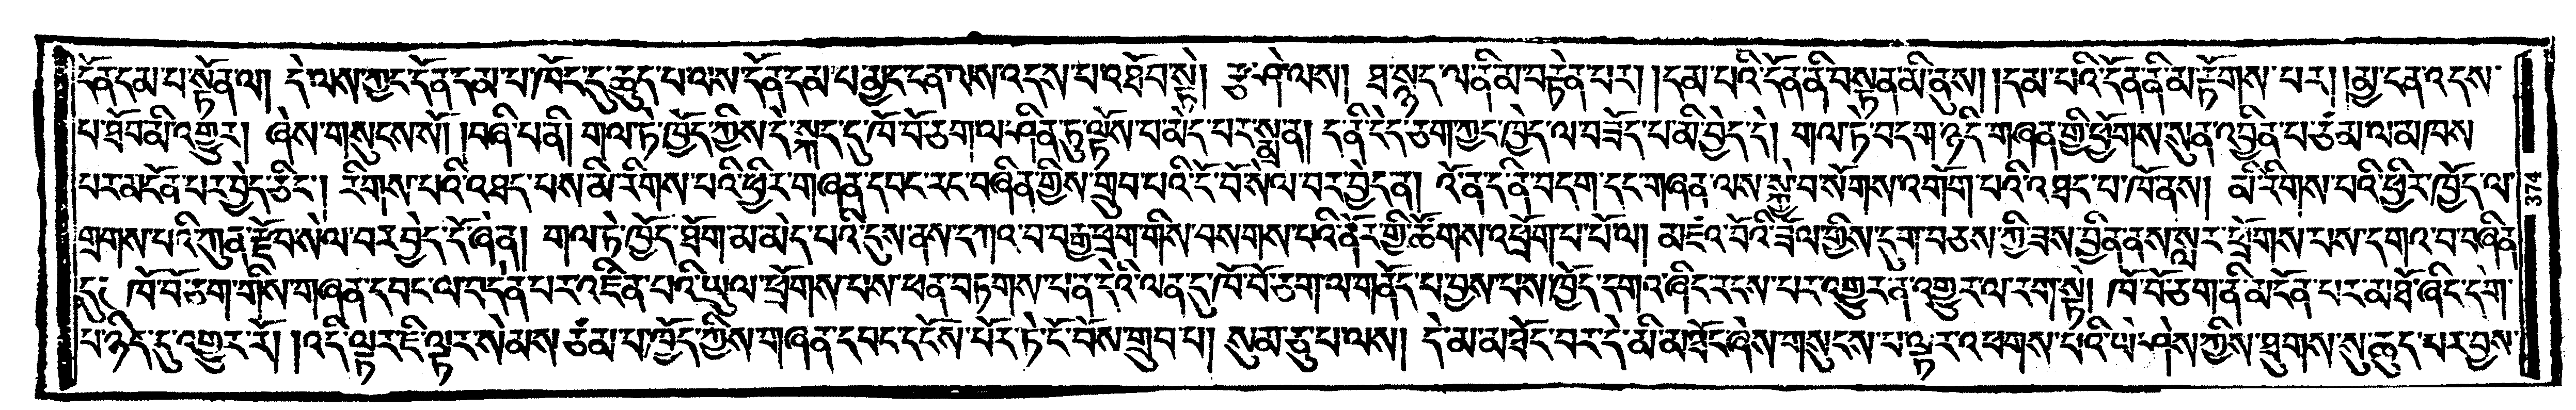དོན་དམ་པ་སྟོན་ལ། དེ་ལས་ཀྱང་དོན་དམ་པ་ཁོང་དུ་ཆུད་པ་ལས་དོན་དམ་པ་མྱང་ངན་ལས་འདས་པ་འཐོབ་སྟེ། རྩ་ཤེ་ལས། ཐ་སྙད་ལ་ནི་མ་བརྟེན་པར། །དམ་པའི་དོན་ནི་བསྟན་མི་ནུས། །དམ་པའི་དོན་ནི་མ་རྟོགས་པར། །མྱ་ངན་འདས་
པ་ཐོབ་མི་འགྱུར། ཞེས་གསུངས་སོ། །བཞི་པ་ནི། གལ་ཏེ་ཁྱོད་ཀྱིས་དེ་སྐད་དུ་ཁོ་བོ་ཅག་ལ་ཤིན་ཏུ་ལྟོས་པ་མེད་པར་སྨྲ་ན། ད་ནི་ངེད་ཅག་ཀྱང་ཁྱེད་ལ་བཟོད་པ་མི་བྱེད་དེ། གལ་ཏེ་བདག་ཉིད་གཞན་གྱི་ཕྱོགས་སུན་འབྱིན་པ་ཙམ་ལ་མཁས་
པར་མངོན་པར་བྱེད་ཅིང་། རིགས་པའི་འཐད་པས་མི་རིགས་པའི་ཕྱིར་གཞན་དབང་རང་བཞིན་གྱིས་གྲུབ་པའི་ངོ་བོ་སེལ་བར་བྱེད་ན། འོ་ན་ད་ནི་བདག་དང་གཞན་ལས་སྐྱེ་བ་སོགས་འགོག་པའི་འཐད་པ་ཁོ་ནས། མི་རིགས་པའི་ཕྱིར་ཁྱོད་ལ་
གྲགས་པའི་ཀུན་རྫོབ་སེལ་བར་བྱེད་དོ་ཞེ་ན། གལ་ཏེ་ཁྱོད་ཐོག་མ་མེད་པའི་དུས་ནས་དཀའ་བ་བརྒྱ་ཕྲག་གིས་བསགས་པའི་ནོར་གྱི་ཚོགས་འཕྲོག་པ་པོ་ལ། མཛའ་བོའི་ཟོལ་གྱིས་དུག་བཅས་ཀྱི་ཟས་བྱིན་ནས་སླར་ཕྲོགས་པས་དགའ་བ་བཞིན་
དུ༑ ཁོ་བོ་ཅག་གིས་གཞན་དབང་ལ་བདེན་པར་འཛིན་པའི་ཡུལ་ཕྲོགས་པས་ཕན་བཏགས་པ་ན་དེའི་ལན་དུ་ཁོ་བོ་ཅག་ལ་གནོད་པ་བྱས་པས་ཁྱོད་དགའ་ཞིང་རངས་པར་འགྱུར་ན་འགྱུར་ལ་རག་སྟེ། ཁོ་བོ་ཅག་ནི་མངོན་པར་མཐོ་ཞིང་དག་
པ་ཉིད་དུ་འགྱུར་རོ། །འདི་ལྟར་ཇི་ལྟར་སེམས་ཙམ་པ་ཁྱོད་ཀྱིས་གཞན་དབང་དངོས་པོར་ཏེ་ངོ་བོས་གྲུབ་པ། སུམ་ཅུ་པ་ལས། དེ་མ་མཐོང་བར་དེ་མི་མཐོང་ཞེས་གསུངས་པ་ལྟར་འཕགས་པའི་ཡེ་ཤེས་ཀྱིས་ཐུགས་སུ་ཆུད་པར་བྱས་